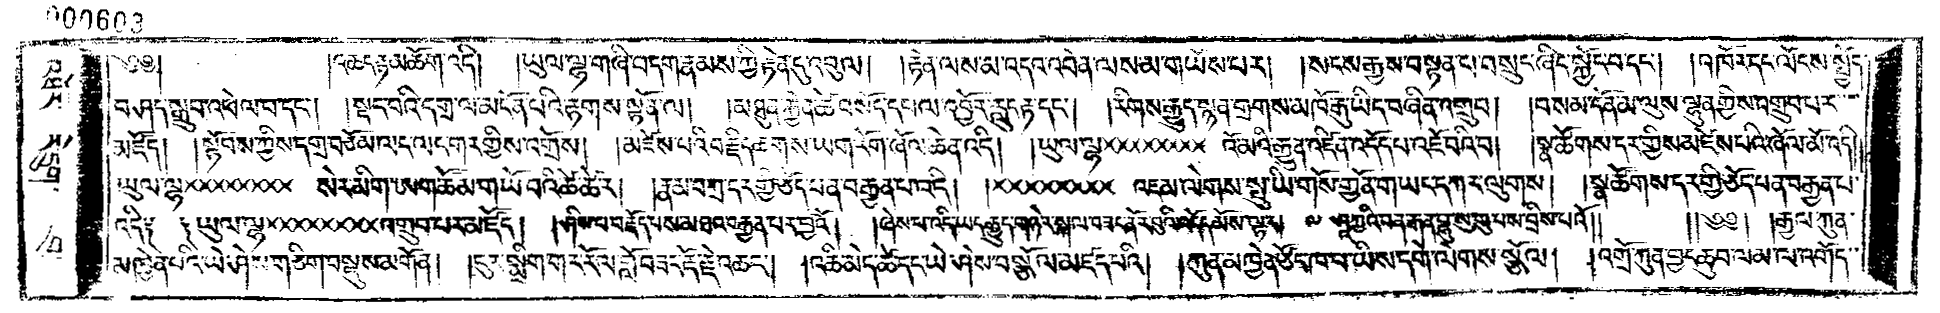༄༅། །འཆང་རྟ་མཆོག་འདི། །ཡུལ་ལྷ་གཞི་བདག་རྣམས་ཀྱི་རྟེན་དུ་འབུལ། །རྟེན་ལས་མ་འདའ་འབེན་ལས་མ་གཡོས་པར། །སངས་རྒྱས་བསྟན་པ་བསྲུང་ཞིང་སྐྱོང་བ་དང་། །འཁོར་དང་ལོངས་སྤྱོད་
བཤད་སྒྲུབ་འཕེལ་བ་དང་། །སྡང་བའི་དགྲ་ལ་མངོན་པའི་རྟགས་སྟོན་ལ། །མཐུན་རྐྱེན་ཚེ་བསོད་དཔལ་འབྱོར་རླུང་རྟ་དང་། །རིགས་རྒྱུད་སྙན་གྲགས་མཁོ་རྒུ་ཡིད་བཞིན་འགྲུབ། །བསམ་དོན་མ་ལུས་ལྷུན་གྱིས་འགྲུབ་པར་
མཛོད། །སྟོབས་ཀྱིས་དགྲ་བཅོམ་ལང་ལང་གར་གྱིས་འགྲོས། །མཛེས་པའི་བརྗིད་ཆགས་ཡག་རོག་ཞོལ་ཆེན་འདི། །ཡུལ་ལྷ་྾྾྾྾྾྾྾྾་འོ་མའི་རྒྱུན་འཛིན་འདོད་པ་འཇོ་བའི་བ། །སྣ་ཚོགས་དར་གྱིས་མཛེས་པའི་ཞོལ་མོ་འདི། །
ཡུལ་ལྷ་྾྾྾྾྾྾྾྾་སེར་མིག་ཨག་ཚོམ་གཡོ་བའི་ཚེ་ཚེ་ར། །རྣམ་བཀྲ་དར་གྱི་ཅོད་པན་བརྒྱན་པ་འདི། །྾྾྾྾྾྾྾྾་འཇམ་ལེགས་སྤུ་ཡི་གོས་གྱོན་གཡང་དཀར་ལུགས། །སྣ་ཚོགས་དར་གྱི་ཅོད་པན་བརྒྱན་པ་
འདི། །ཡུལ་ལྷ་྾྾྾྾྾྾྾྾་འགྲུབ་པར་མཛོད། ། ཤིས་པ་བརྗོད་པས་མཐའ་བརྒྱན་པར་བྱའོ། །ཞེས་པ་འདི་ཡང་རྒྱུད་གཉེར་སྐལ་བཟང་ནོར་བུའི་འདོད་མོས་ལྟར། ༧་ཤཱཀྱའི་བན་རྒན་བྷུ་སུ་གུ་པས་བྲིས་པའོ།། །།  ༄༅། །རྒྱལ་ཀུན་
མཁྱེན་པའི་ཡེ་ཤེས་གཅིག་བསྡུས་མགོན། །ངུར་སྨྲིག་གར་རོལ་བློ་བཟང་རྡོ་རྗེ་འཆང་། །འཆི་མེད་ཚེ་དང་ཡེ་ཤེས་བསྩོལ་མཛད་པའི། །ཀུན་མཁྱེན་ཙོང་ཁ་པ་ཡིས་དགེ་ལེགས་སྩོལ། །འགྲོ་ཀུན་བྱང་ཆུབ་ལམ་ལ་འགོད་